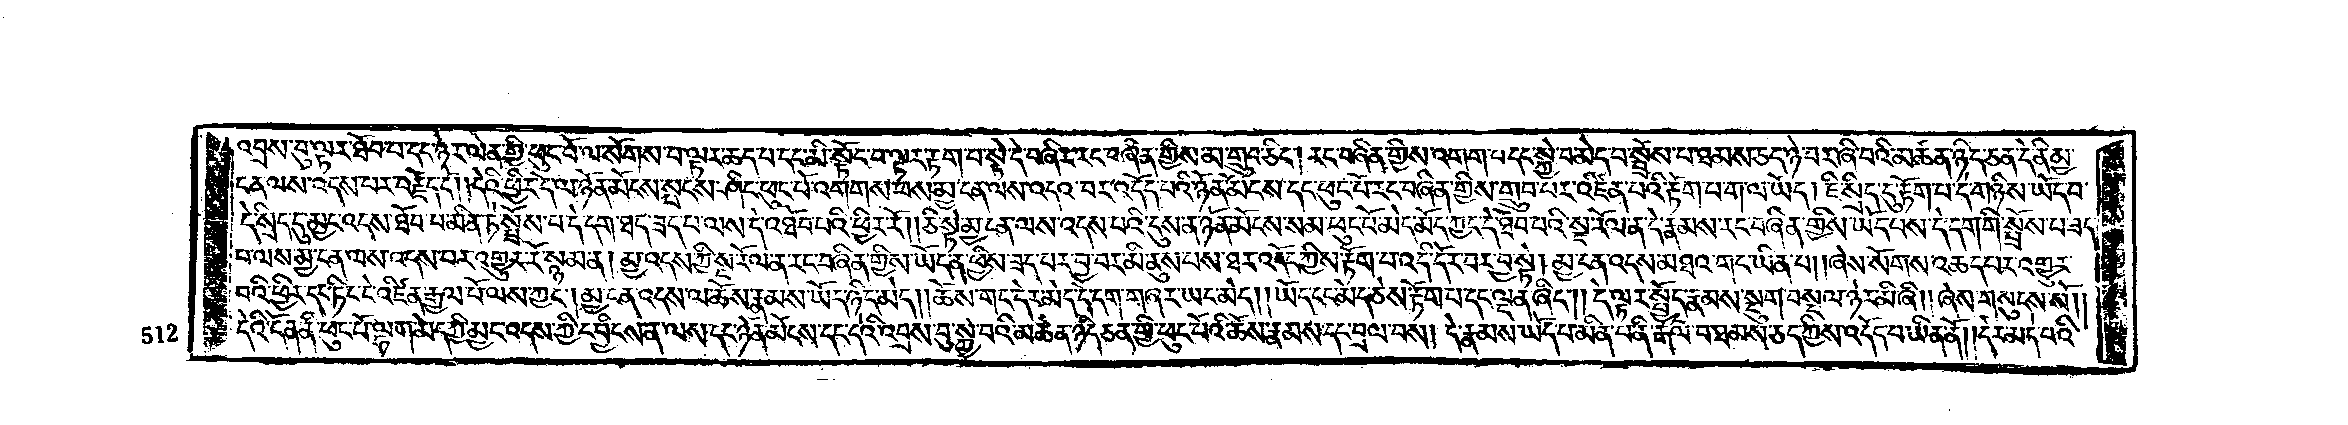འབྲས་བུ་ལྟར་ཐོབ་པ་དང་ཉེར་ལེན་གྱི་ཕུང་པོ་ལ་སོགས་པ་ལྟར་ཆད་པ་དག་མི་སྟོང་པ་ལྟར་རྟག་པ་སྟེ་དེ་བཞིར་རང་བཞིན་གྱིས་མ་གྲུབ་ཅིང་། རང་བཞིན་གྱིས་འགག་པ་དང་སྐྱེ་བ་མེད་པ་སྒྲོས་པ་ཐམས་ཅད་ཉེ་བར་ཞི་བའི་མཚན་ཉིད་ཅན་དེ་ནི་མྱ་
ངན་ལས་འདས་པར་བརྗོད་དོ། །དེའི་ཕྱིར་དེ་ལ་ཉོན་མོངས་སྤངས་ཤིང་ཕུང་པོ་འགགས་པས་མྱ་ངན་ལས་འདའ་བར་འདོད་པའི་ཉོན་མོངས་དང་ཕུང་པོ་རང་བཞིན་གྱིས་གྲུབ་པར་འཛིན་པའི་རྟོག་པ་ག་ལ་ཡོད། ཇི་སྲིད་དུ་རྟོག་པ་དེ་གཉིས་ཡོད་པ་
དེ་སྲིད་དུ་མྱང་འདས་ཐོབ་པ་མིན་ཏེ་སྤྲོས་པ་དེ་དག་ཐཾད་ཟད་པ་ལས་དེ་འཐོབ་པའི་ཕྱིར་རོ། །ཅི་སྟེ་མྱ་ངན་ལས་འདས་པའི་དུས་ན་ཉོན་མོངས་སམ་ཕུང་པོ་མེད་མོད་ཀྱང་ངེ་ཐོབ་པའི་སྔ་རོལ་ན་དེ་རྣམས་རང་བཞིན་ཡིས་ཡོད་པས་དེ་དག་གི་སྤྲོས་པ་ཟད་
པ་ལས་མྱ་ངན་ལས་འདས་པར་འགྱུར་རོ་སྙམ་ན། མྱ་འདས་ཀྱི་སྔ་རོལ་ན་རང་བཞིན་གྱིས་ཡོད་ན་ཕྱིས་ཟད་པར་བྱ་བར་མི་ནུས་པས་ཐར་འདོད་ཀྱིས་རྟོག་པ་འདི་དོར་བར་བྱ་སྟེ། མྱ་ངན་འདས་མཐའ་གང་ཡིན་པ། །ཞེས་སོགས་འཆད་པར་འགྱུར་
བའི་ཕྱིར་དང་ཏིང་ངེ་འཛིན་རྒྱལ་པོ་ལས་ཀྱང་། མྱ་ངན་འདས་ལ་ཆོས་རྣམས་ཡོད་ཉིད་མེད། །ཆོས་གང་དེར་མེད་དེ་དག་གཞར་ཡང་མེད། །ཡོད་དང་མེད་ཅེས་རྟོག་པ་དང་ལྡན་ཞིང་། །དེ་ལྟར་སྤྱོད་རྣམས་སྡུག་བསྔལ་ཉེར་མི་ཞི། །ཞེས་གསུངས་སོ།།
དེའི་དོན་ནི་ཕུང་པོ་ལྷག་མེད་ཀྱི་མྱང་འདས་ཀྱི་དབྱིངས་ན་ལས་དང་ཉོན་མོངས་དང་དེའི་འབྲས་བུ་སྐྱེ་བའི་མཚན་ཉིད་ཅན་གྱི་ཕུང་པོའི་ཆོས་རྣམས་དང་བྲལ་བས། དེ་རྣམས་ཡོད་པ་མིན་པ་ནི་རྒོལ་བ་ཐམས་ཅད་ཀྱིས་འདོད་པ་ཡིན་ནོ། །དེར་མེད་པའི་